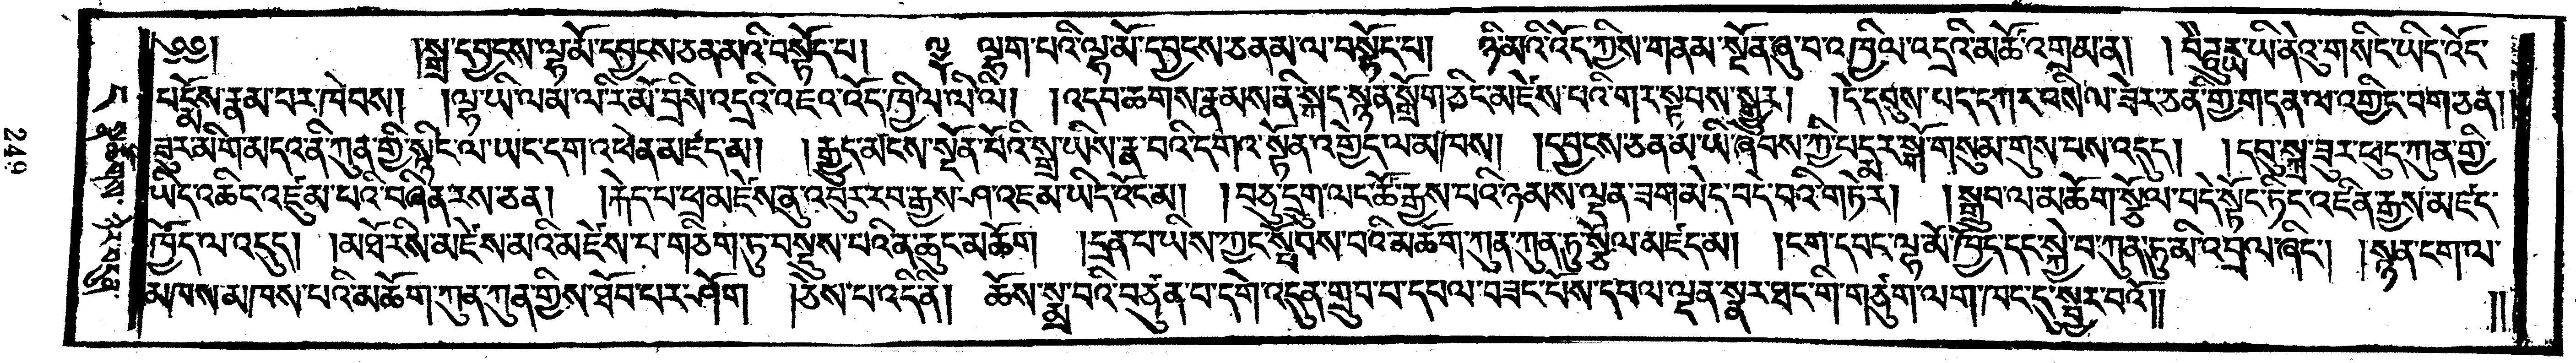༄༅། །སྒྲ་དབྱངས་ལྷ་མོ་དབྱངས་ཅན་མའི་བསྟོད་པ། ༈ ལྷག་པའི་ལྷ་མོ་དབྱངས་ཅན་མ་ལ་བསྟོད་པ། ཉི་མའི་འོད་ཀྱིས་གནམ་སྔོན་ཞུ་བ་འཁྱིལ་འདྲའི་མཚོ་འགྲམ་ན། །བཻཌཱུརྱ་ཡི་ནེའུ་གསིང་ཡིད་འོད་
པདམོས་རྣམ་པར་ཁེབས། །ལྷ་ཡི་ལམ་ལ་རི་མོ་བྲིས་འདྲའི་འཇའ་འོད་ཁྱིལ་ལི་ལི། །འདབ་ཆགས་རྣམས་ནི་སྐད་སྙན་སྒྲོག་ཅིང་མཛེས་པའི་གར་སྟབས་སྒྱུར། །དེ་དབུས་པད་དཀར་བསིལ་ཟེར་ཅན་གྱི་གདན་ལ་འགྱིང་བག་ཅན། །
ཟུར་མིག་མདའ་ནི་ཀུན་གྱི་སྙིང་ལ་ཡང་དག་འཕེན་མཛད་མ། །རྒྱུད་མངས་སྔོན་པོའི་སྒྲ་ཡིས་རྣ་བའི་དགའ་སྟོན་འགྱེད་ལ་མཁས། །དབྱངས་ཅན་མ་ཡི་ཞབས་ཀྱི་པདམར་སྒོ་གསུམ་གུས་པས་འདུད། །དབུ་སྐྲ་ཟུར་ཕུད་ཀུན་གྱི་
ཡིད་འཆིང་འཛུམ་པའི་བཞིན་རས་ཅན། །རྐེད་པ་ཕྲ་མཛེས་ནུ་འབུར་རབ་རྒྱས་ཤ་འཇམ་ཡིད་འོང་མ། །བཅུ་དྲུག་ལང་ཚོ་རྒྱས་པའི་ཉམས་ལྡན་ཟག་མེད་བདེ་བའི་གཏེར། །སྒྲུབ་ལ་མཆོག་སྩོལ་བདེ་སྟོང་ཏིང་འཛིན་རྒྱས་མཛད་
ཁྱོད་ལ་འདུད། །མཐོ་རིས་མཛེས་མའི་མཛེས་པ་གཅིག་ཏུ་བསྡུས་པའི་ན་ཆུང་མཆོག །དྲན་པ་ཡིས་ཀྱང་སྤོབས་པའི་མཆོག་ཀུན་ཀུན་ཏུ་སྩོལ་མཛད་མ། །ངག་དབང་ལྷ་མོ་ཁྱོད་དང་སྐྱེ་བ་ཀུན་ཏུ་མི་འབྲལ་ཞིང་། །སྙན་ངག་ལ་
མཁས་མཁས་པའི་མཆོག་ཀུན་ཀུན་གྱིས་ཐོབ་པར་ཤོག །ཅེས་པ་འདི་ནི། ཆོས་སྨྲ་བའི་བཙུན་པ་དགེ་འདུན་གྲུབ་པ་དཔལ་བཟང་པོས་དཔལ་ལྡན་སྣར་ཐང་གི་གཙུག་ལག་ཁང་དུ་སྦྱར་བའོ།། །།